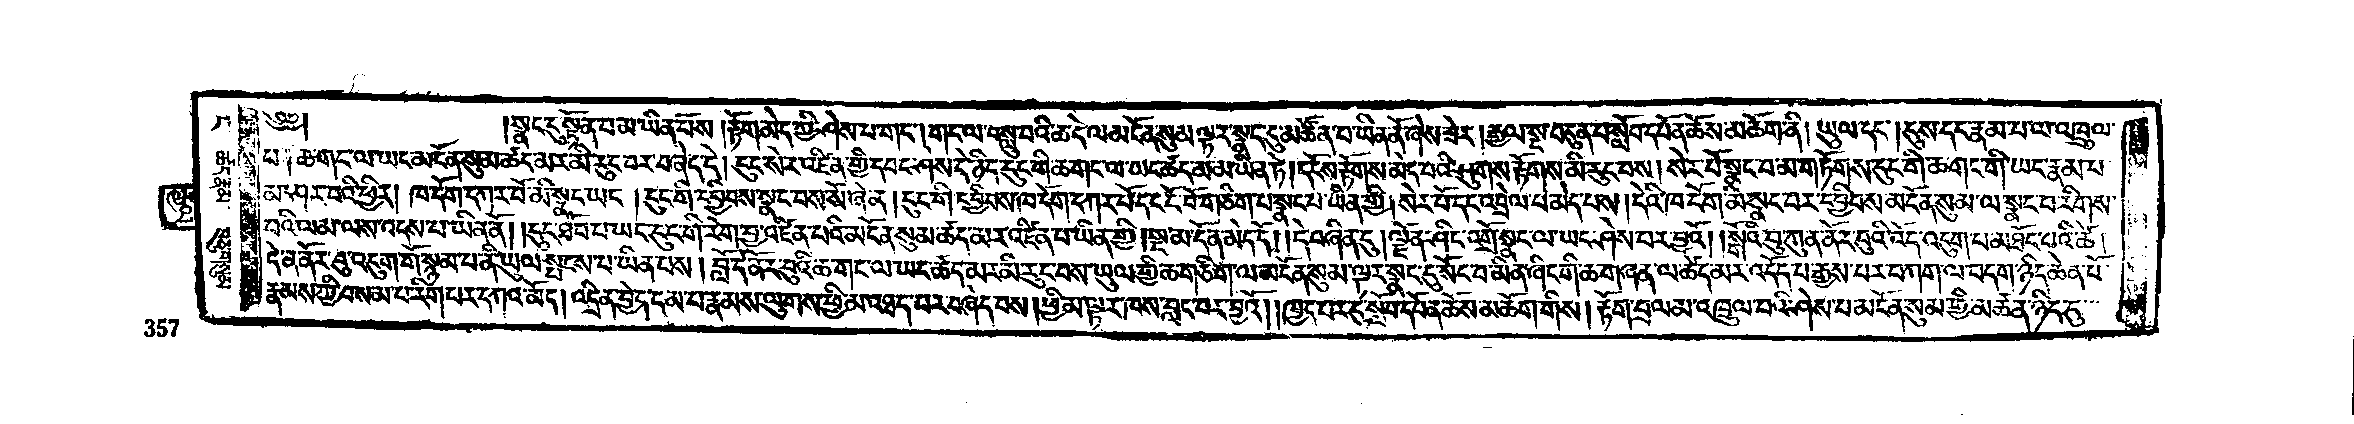༄༅། །སྣང་ངུ་སྟོན་པ་མ་ཡིན་པོས། རྟོག་མེད་ཀྱི་ཤེས་པ་དང་། གང་ལ་བསླུ་བའི་ཆེད་ལ་མངོན་སུམ་ལྟར་སྣང་དུ་མཚོན་པ་ཡིན་ནོ་ཞེས་ཟེར། རྒྱལ་སྔ་བདུན་བ་སློབ་དཔོན་ཆོས་མཆོག་ནི། ཡུལ་དང་། དུས་དང་རྣམ་པ་ལ་འཁྲུལ་
པ་། ཆ་གང་ལ་ཡང་མངོན་སུམ་ཚད་མར་མི་རུང་བར་བཞེད་དེ། དུང་སེར་འཛིན་གྱི་དབང་ཤེས་དེ་ཉིད་དུང་གི་ཆ་གང་ལ་ཡང་ཚད་མ་མ་ཡིན་ཏེ། དངོས་རྟོགས་མེད་པའི་ཤུགས་རྟོགས་མི་རུང་བས། སེར་པོ་སྣང་བ་མ་གཏོགས་དུང་གི་ཆ་གང་གི་ཡང་རྣམ་པ་
མ་ཤར་བའི་ཕྱིར། ཁ་དོག་དཀར་པོ་མི་སྣང་ཡང་། དུང་གི་དབྱིབས་སྣང་བས་སོ་ཞེ་ན། དུང་གི་དབྱིབས་ཁ་དོག་དཀར་པོ་དང་ངོ་བོ་གཅིག་པ་སྣང་བ་ཡིན་གྱི། སེར་པོ་དང་འབྲེལ་བ་མེད་པས། དེའི་ཁ་དོག་མི་སྣང་བར་དབྱིབས་མངོན་སུམ་ལ་སྣང་བ་རིགས་
བའི་ལམ་ལས་འདས་པ་ཡིན་ནོ། །དུང་ཐོབ་པ་ཡང་དུང་གི་རེག་བྱ་འཛིན་པའི་མངོན་སུམ་ཚད་མར་འཛིན་པ་ཡིན་གྱི། སྔ་མ་དོན་མེད་དོ། །དེ་བཞིན་དུ། ལྗོན་ཤིང་འགྲོ་སྣང་ལ་ཡང་ཤེས་པར་བྱའོ། །སྒོའི་བུ་ཀུན་ནོར་བུའི་འོད་འཇུག་པ་མཐོང་བའི་ཚེ།
དེ་ན་ནོར་བུ་འཇུག་གོ་སྙམ་པ་ནི་ཡུལ་སྤངས་པ་ནི་ཡུལ་གྱི་སྤངས་པ་ཡིན་པས། བློ་དེ་ནོར་བུའི་ཆ་གང་ལ་ཡང་ཚད་མར་མི་རུང་བས་ཆག་གཅིག་ལ་མངོན་སུམ་ལྟར་སྣང་ངུ་སོང་བ་མིན་ཞིང་གི་ཆ་གཞན་ལ་ཚེད་མར་འདོད་པ་རྒྱས་པར་བཀག་ལ་བདག་ཉིད་ཆེན་པོ་
རྣམས་ཀྱི་བསམ་པ་རིག་པར་དཀའ་མོད། འདྲིན་བྱེད་དམ་པ་རྣམས་ལུགས་ཕྱི་མ་འཐད་པར་བཞེད་བས། ཕྱི་མ་ལྟར་ཁས་བླང་བར་བྱའོ། །ཁྱད་པར་དུ་སློབ་དཔོན་ཆོས་མཆོག་གིས། རྟོག་བྲལ་མ་འཁྲུལ་བའི་ཤེས་པ་མངོན་སུམ་གྱི་མཚན་ཉིད་དུ་